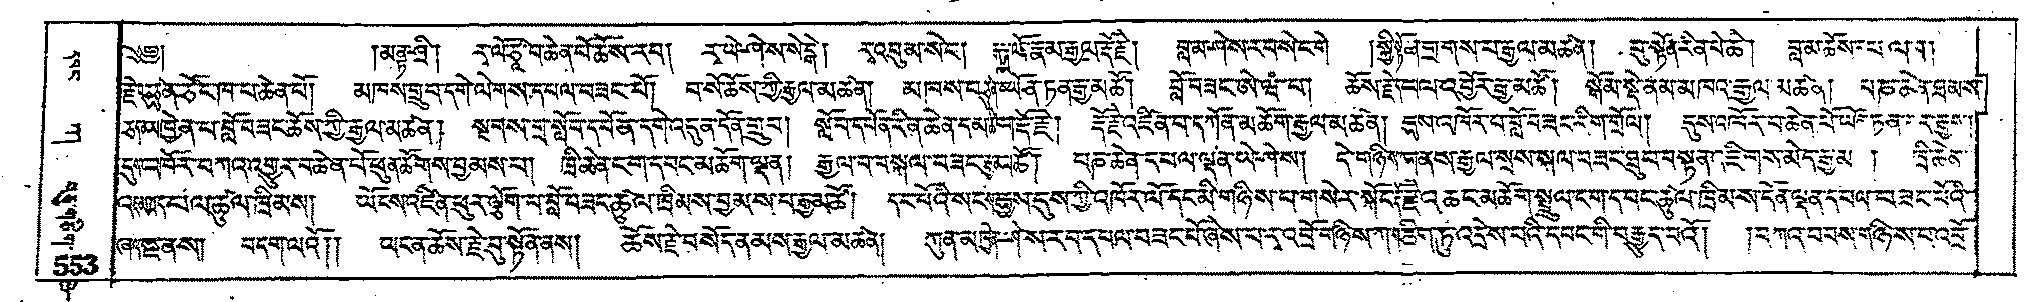༄༅། །མནྟ་ཤྲི། རྭ་ལོ་ཙཱ་བ་ཆེན་པོ་ཆོས་རབ། རྭ་ཡེ་ཤེས་སེངྒེ། རྭ་འབུམ་སེང་། རྒཱ་ལོ་རྣམ་རྒྱལ་རྡོ་རྗེ། བླ་མ་ཤེས་རབ་སེང་གེ །སྐྱི་སྟོན་གྲགས་པ་རྒྱལ་མཚན། བུ་སྟོན་རིན་པོ་ཆེ། བླ་མ་ཆོས་དཔལ་བ།
རྗེ་བཙུན་ཙོང་ཁ་པ་ཆེན་པོ། མཁས་གྲུབ་དགེ་ལེགས་དཔལ་བཟང་པོ། བ་སོ་ཆོས་ཀྱི་རྒྱལ་མཚན། མཁས་བཙུན་ཡོན་ཏན་རྒྱ་མཚོ། བློ་བཟང་ཨེ་ཝཾ་པ། ཆོས་རྗེ་དཔལ་འབྱོར་རྒྱ་མཚོ། སྒོམ་སྡེ་ནམ་མཁའ་རྒྱལ་མཚན། པཎ་ཆེན་ཐམས་
ཅད་མཁྱེན་པ་བློ་བཟང་ཆོས་ཀྱི་རྒྱལ་མཚན། སྔགས་གྲ་སློབ་དཔོན་དགེ་འདུན་དོན་གྲུབ། སློབ་དཔོན་རིན་ཆེན་དམ་ཚིག་རྡོ་རྗེ། རྡོ་རྗེ་འཛིན་པ་དཀོན་མཆོག་རྒྱལ་མཚན། དུས་འཁོར་བ་བློ་བཟང་རིག་གྲོལ། དུས་འཁོར་བ་ཆེན་པོ་ཡོན་ཏན་པར་རྒྱས།
དུས་འཁོར་བཀའ་འགྱུར་བ་ཆེན་པོ་ཕུན་ཚོགས་བྱམས་པ། ཁྲི་ཆེན་ངག་དབང་མཆོག་ལྡན། རྒྱལ་བ་བསྐལ་བཟང་རྒྱ་མཚོ། པཎ་ཆེན་དཔལ་ལྡན་ཡེ་ཤེས། དེ་གཉིས་ཀ་ནས་རྒྱལ་སྲས་སྐལ་བཟང་ཐུབ་བསྟན་འཇིགས་མེད་རྒྱ་མ། ཁྲི་ཆེན་
འཇམ་དཔལ་ཚུལ་ཁྲིམས། ཡོངས་འཛིན་ཕུར་ལྕོག་པ་བློ་བཟང་ཚུལ་ཁྲིམས་བྱམས་པ་རྒྱ་མཚོ། དང་པོའི་སངས་རྒྱས་དུས་ཀྱི་འཁོར་ལོ་དང་མི་གཉིས་པ་གསེར་སྐོང་རྡོ་རྗེ་འཆང་མཆོག་སྤྲུལ་ངག་དབང་ཚུལ་ཁྲིམས་དོན་ལྡན་དཔལ་བཟང་པོའི་
ཞལ་སྔ་ནས། བདག་ལའོ།། ཡང་ན་ཆོས་རྗེ་བུ་སྟོན་ནས། ཆོས་རྗེ་བསོད་ནམས་རྒྱལ་མཚན། ཀུན་མཁྱེན་ཤེས་རབ་དཔལ་བཟང་པོ་ཞེས་པ་རྭ་འབྲོ་གཉིས་ཀ་གཅིག་ཏུ་འདྲེས་པའི་དབང་གི་བརྒྱུད་པའོ། །བཀའ་བབས་གཉིས་པ་འབྲོ་